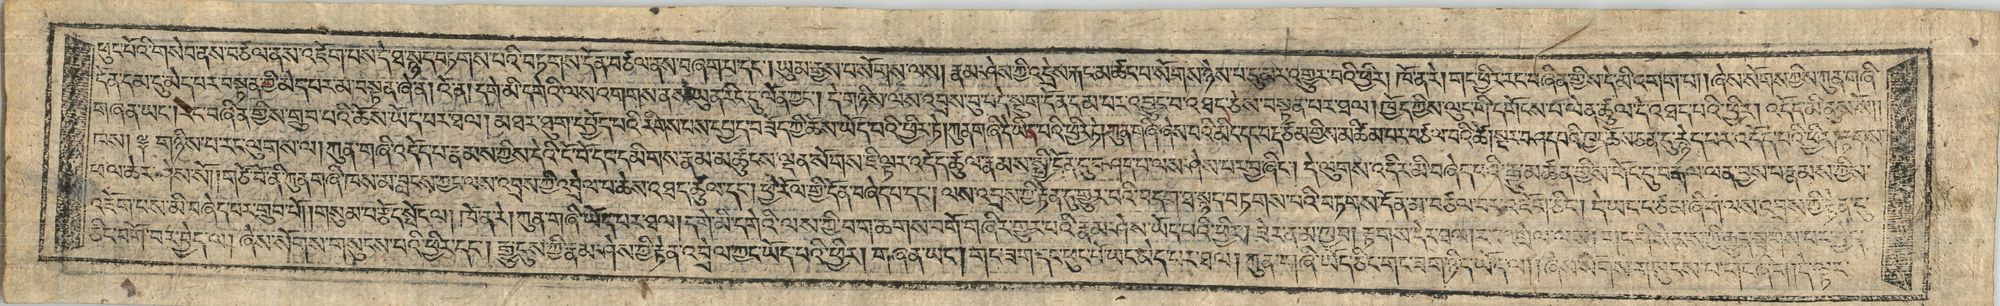ཕུང་པོའི་གསེབ་ནས་བཙལ་ནས་འཇོག་པས་དེ་ཐ་སྙད་བཏགས་པའི་བཏགས་དོན་བཙལ་ནས་བཞག་པ་དང་། ཡུམ་རྒྱས་པ་སོགས་ལས། རྣམ་ཤེས་ཀྱི་འདྲེས་རྐང་མ་ཚང་བ་སོགས་ཉེས་པ་དུ་མར་འགྱུར་པའི་ཕྱིར། ཁོ་ན་རེ། གང་ཕྱིར་རང་བཞིན་གྱིས་དེ་མི་འགག་པ། །ཞེས་སོགས་ཀྱིས་ཀུན་གཞི་
དོན་དམ་དུ་མེད་པར་བསྟན་གྱི་མེད་པར་མ་བསྟན་ཞེ་ན། འོ་ན། དགེ་མི་དགེའི་ལས་འགགས་ནས་ཡུན་རིང་དུ་ལོན་ཀྱང་། དེ་གཉིས་ལས་འབྲས་བུ་བདེ་སྡུག་དོན་དམ་པར་འབྱུང་བ་འཐད་ཅེས་བསྟན་པར་ཐལ། ཁྱོད་ཀྱིས་ལུང་གི་དགོངས་པ་ལེན་ཚུལ་དེ་འཐད་པའི་ཕྱིར། འདོད་མི་ནུས་སོ།།
གཞན་ཡང་། རང་བཞིན་གྱིས་གྲུབ་པའི་ཆོས་ཡོད་པར་ཐལ། མཐར་ཐུག་དཔྱོད་པའི་རིགས་པས་དཔྱད་བཟོད་ཀྱི་ཆོས་ཡོད་པའི་ཕྱིར་ཏེ། ཀུན་གཞི་དེ་ཡིན་པའི་ཕྱིར་ཏེ། ཀུན་གཞི་ཞེས་པའི་མིང་དང་བརྡ་ཙམ་གྱིས་མ་ཚིམ་པར་བཙལ་བའི་ཚེ། སྔར་བཤད་པའི་ཁྱད་ཆོས་ཅན་དུ་རྙེད་པར་འདོད་པའི་ཕྱིར། རྟགས་
ཁས། ༈ གཉིས་པ་རང་ལུགས་ལ། ཀུན་གཞི་འདོད་པ་རྣམས་ཀྱིས་དེའི་ངོ་བོ་དང་དམིགས་རྣམ་མཚུངས་ལྡན་སོགས་ཇི་ལྟར་འདོད་ཚུལ་རྣམས་སྤྱི་དོན་དུ་བཤད་པ་ལས་ཤེས་པར་བྱ་ཞིང་། དེ་ལུགས་འདིར་མི་བཞེད་པའི་རྒྱུ་མཚན་གྱིས་གོང་དུ་བརྒལ་ལན་བྱས་པ་རྣམས་ཀྱིས་
ཕལ་ཆེར་ཤེས་སོ། །གཙོ་བོ་ནི་ཀུན་གཞི་ཁས་མ་བླངས་ཀྱང་ལས་འབྲས་ཀྱི་འབྲེལ་པ་ཆེས་འཐད་ཚུལ་དང་། ཕྱི་རོལ་གྱི་དོན་བཞེད་པ་དང་། ལས་འབྲས་ཀྱི་རྟེན་དུ་གྱུར་པའི་བདག་ཐ་སྙད་བཏགས་པའི་བཏགས་དོན་མ་བཙལ་བར་འཇོག་ཅིང་། དེ་ཡང་ང་ཙམ་ཞིག་ལས་འབྲས་ཀྱི་རྟེན་དུ་
འཇོག་པས་མི་བཞེད་པར་གྲུབ་བོ། །གསུམ་པ་རྩོད་སྤོང་ལ། ཁོ་ན་རེ། ཀུན་གཞི་ཡོད་པར་ཐལ། དགེ་མི་དགེའི་ལས་ཀྱི་བག་ཆགས་བགོ་གཞིར་གྱུར་པའི་རྣམ་ཤེས་ཡོད་པའི་ཕྱིར། ཟེར་ན་མ་ཁྱབ། རྟགས་དེར་ཐལ། རང་འགྲེལ་ལས། གང་གི་སེམས་ཀྱི་རྒྱུད་སླགསྤར་བྱེད་
ཅིང་བགོ་བར་བྱེད་ལ། ཞེས་སོགས་གསུངས་པའི་ཕྱིར་དང་། རྒྱུ་དུས་ཀྱི་རྣམ་ཤེས་ཀྱི་རྟེན་འབྲེལ་ཀྱང་ཡོད་པའི་ཕྱིར། གཞན་ཡང་། གང་ཟག་དང་ཕུང་པོ་ཡང་མེད་པར་ཐལ། ཀུན་གཞི་ཡོད་ཅིང་གང་ཟག་ཉིད་ཡོད་ལ། །ཞེས་སོགས་གསུངས་པ་གང་ཞིག །དེ་ལྟར་